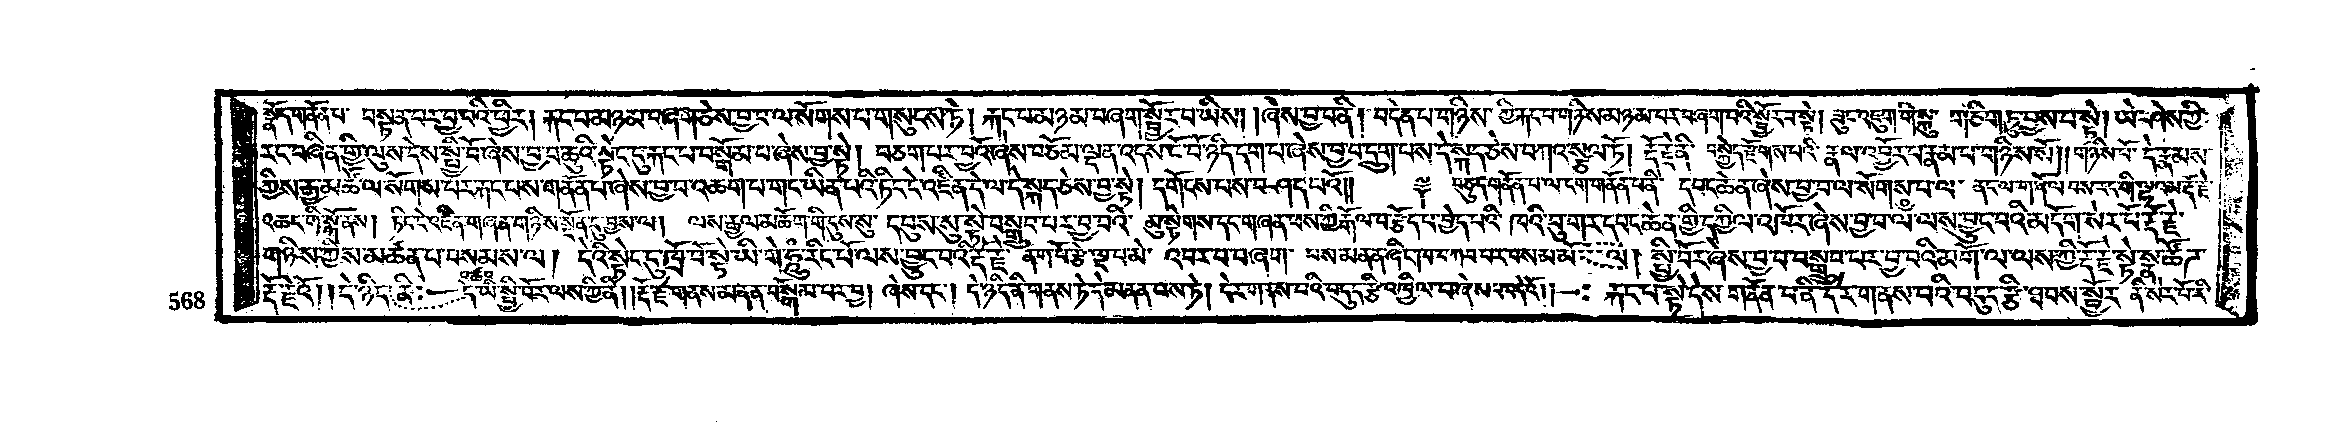སྣོད་གནོན་པ་བསྟན་པར་བྱ་བའི་ཕྱིར། རྐང་པ་མཉམ་བཞག་ཅེས་བྱ་བ་ལ་སོགས་པ་གསུངས་ཏེ། རྐང་པ་མཉམ་བཞག་སྦྱོར་བ་ཡིས། །ཞེས་བྱ་བ་ནི། བདེན་པ་གཉིས་ཀྱི་རྐང་པ་གཉིས་མཉམ་པར་བཞག་པའི་སྦྱོར་བ་སྟེ། ཟུང་འཇུག་གི་སྐུ་གཅིག་ཏུ་བྱས་པ་སྟེ། ཡེ་ཤེས་ཀྱི་
རང་བཞིན་གྱི་ལུས་དེས་སྤྱི་བོ་ཞེས་བྱ་བ་ཆུའི་སྟེང་དུ་རྐང་པ་བསྒོམ་པ་ཞེས་བྱ་སྟེ། བཅག་པར་བྱའོ་ཞེས་བཅོམ་ལྡན་འདས་ངོ་བོ་ཉིད་དག་པ་ཞེས་བྱ་བ་དྲུག་པས་དེ་སྐད་ཅེས་བཀའ་སྩལ་ཏོ། རྡོ་རྗེ་ནི་བསྐྱེད་རྫོགས་པའི་རྣལ་འབྱོར་པ་རྣམ་པ་གཉིས་སོ། །གཉིས་པོ་དེ་རྣམས་
ཀྱིས་རྒྱ་མཚོ་ལ་སོགས་པར་རྐང་པས་གནོན་པ་ཞེས་བྱ་བ་འཆག་པ་གང་ཡིན་པའི་ཏིང་ངེ་འཛིན་དེ་ལ་དེ་སྐད་ཅེས་བྱ་སྟེ། དགོངས་པས་བཤད་པའོ།། ༈ བཅུད་གནོན་པ་ལ་ངག་གནོན་པ་ནི་དབང་ཆེན་ཞེས་བྱ་བ་ལ་སོགས་པ་ལ་ནང་ལ་གཞོལ་བས་རང་གི་ལྷའམ་རྡོ་རྗེ་
འཆང་གི་སྒོ་ནས། ཏིང་ངེ་འཛིན་གཞན་གཉིས་སྔོན་དུ་བྱས་ལ། ལས་རྒྱལ་མཆོག་གི་དུས་སུ་དབུས་སུ་སྟེ་བསྒྲུབ་པར་བྱ་བའི་མུ་སྟེགས་དང་གཞན་ཕས་ཀྱི་རྒོལ་བ་རྩོད་པ་བྱེད་པའི་ཁའི་བུ་གར་དབང་ཆེན་གྱི་དཀྱིལ་འཁོར་ཞེས་བྱ་བ་ལཾ་ལས་བྱུང་བའི་མདོག་སེར་པོ་རྡོ་རྗེ་
གཉིས་ཀྱིས་མཚན་པ་བསམས་ལ། དེའི་སྟེང་དུ་ཁྲོ་བོ་སྟེ་ཡི་གེ་ཧཱུཾ་རིང་པོ་ལས་བྱུང་བའི་རྡོ་རྗེ་ནག་པོ་རྩེ་ལྔ་པ་མེ་འབར་བ་བཞག་པས་མནན་ཞིང་ཁ་བཀབ་པར་བསམ་མོ་ལ། སྤྱི་བོར་ཞེས་བྱ་བ་བསྒྲུབ་པར་བྱ་བའི་མགོ་ལ་ལས་ཀྱི་རྡོ་རྗེ་སྟེ་སྣ་ཚོགས་
རྡོ་རྗེའོ། །དེ་ཉིད་ནི་པ་ཚབ་དེ་ཡི་སྤྱི་བོར་ལས་ཀྱི་ནི། །རྡོ་རྗེ་གནས་མནན་བསྒོམ་པར་བྱ། ཞེས་དང་། དེ་ཉིད་ནི་གནས་ཏེ་དེ་མནན་པས་ཏེ། དེར་གནས་པའི་བདུད་རྩི་འཁྱིལ་པ་ཞེས་པ་བདེའོ།།  རྐང་པ་སྟེ་དེས་གནོན་པ་ནི་དེར་གནས་པའི་བདུད་རྩི་ཐབས་སྦྱོར་ནི་སེར་པོ་རི་